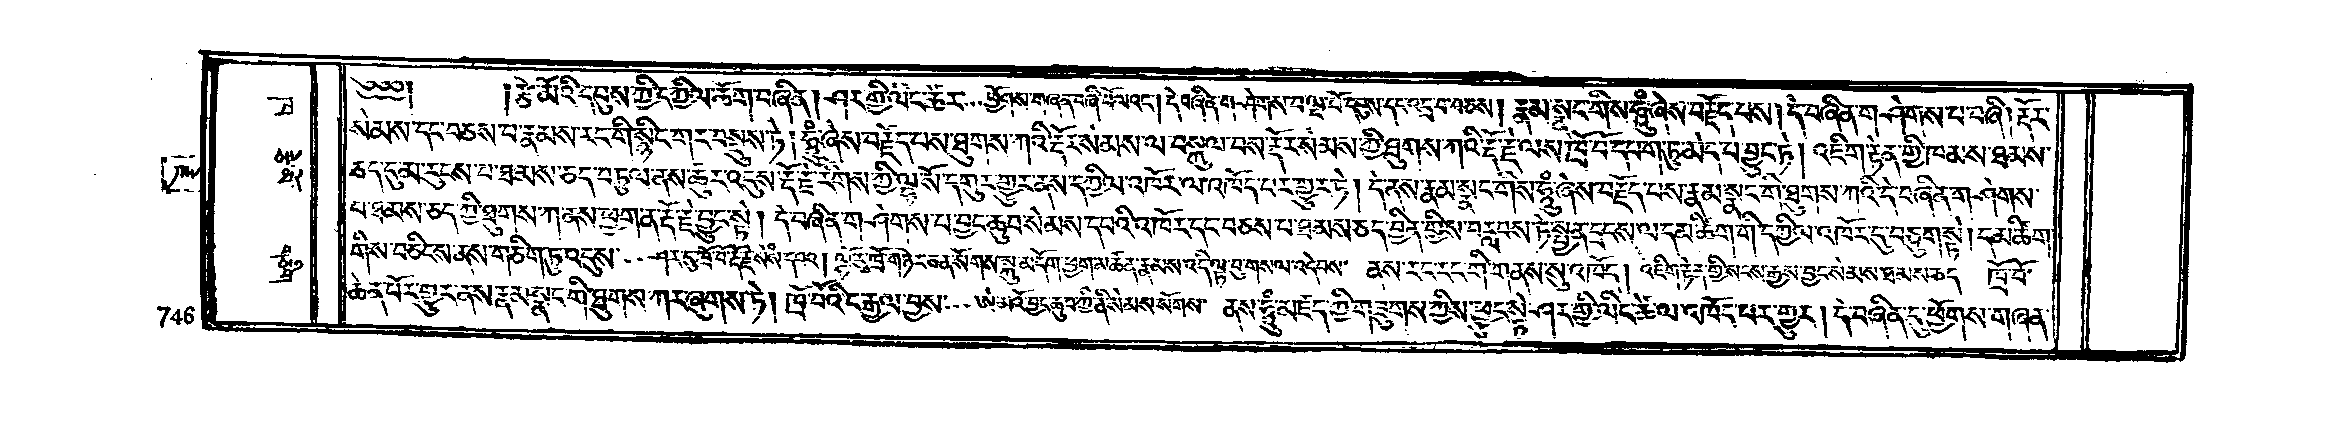༄༅། །རྩེ་མོའི་དབུས་ཀྱི་དཀྱིལ་ཆོག་བཞིན། ཤར་གྱི་ལིང་ཚེར་?་ཕྱོགས་གཞན་བཞི་པོ་ལའང་། དེ་བཞིན་གཤེགས་པ་ལྔ་པོ་དབུས་དང་འདྲ་བ་བཅས། རྣམ་སྣང་གིས་ཧཱུཾ་ཞེས་བརྗོད་པས། དེ་བཞིན་གཤེགས་པ་བཞི། རྡོར་
སེམས་དང་བཅས་པ་རྣམས་རང་གི་སྙིང་གར་བསྡུས་ཏེ། ཧཱུཾ་ཞེས་བརྗོད་པས་ཐུགས་ཀའི་རྡོར་སེམས་ལ་བསྐུལ་བས་རྡོར་སེམས་ཀྱི་ཐུགས་ཀའི་རྡོ་རྗེ་ལས་ཁྲོ་བོ་དཔག་ཏུ་མེད་པ་བྱུང་ཏེ། འཇིག་རྟེན་གྱི་ཁམས་ཐམས་
ཅད་དུ་མ་རུངས་པ་ཐམས་ཅད་བཏུལ་ནས་ཚུར་འདུས་རྡོ་རྗེ་རིགས་ཀྱི་ལྷ་སོ་དགུར་གྱུར་ནས་དཀྱིལ་འཁོར་ལ་འཁོད་པར་གྱུར་ཏེ། དེ་ནས་རྣམ་སྣང་གིས་ཧཱུཾ་ཞེས་བརྗོད་པས་རྣམ་སྣང་གི་ཐུགས་ཀའི་དེ་བཞིན་གཤེགས་
པ་ཐམས་ཅད་ཀྱི་ཐུགས་ཀ་ནས་ཕྱག་ན་རྡོ་རྗེ་བྱུང་སྟེ། དེ་བཞིན་གཤེགས་པ་བྱང་ཆུབ་སེམས་དཔའི་འཁོར་དང་བཅས་པ་ཐམས་ཅད་བྱིན་གྱིས་བརླབས་ཏེ་སྤྱན་དྲངས་ལ་དམ་ཚིག་གི་དཀྱིལ་འཁོར་དུ་བཅུག་སྟེ། དམ་ཚིག་
གིས་བཅིངས་ནས་གཅིག་ཏུ་འདུས་ཤར་དུ་ཁྲོ་བོ་རྡོ་རྗེ་སེམས་དཔའ། ལྷོ་རུ་ཁྲོ་གཉེར་ཅན་སོགས་སྐུ་མདོག་ཕྱག་མཚན་རྣམས་འདི་ལྟ་བུ་གསལ་འདེབས།  ནས་རང་རང་གི་གནས་སུ་འཁོད། འཇིག་རྟེན་གྱི་སངས་རྒྱས་བྱང་སེམས་ཐམས་ཅད་ཁྲོ་བོ་
ཆེན་པོར་གྱུར་ནས་རྣམ་སྣང་གི་ཐུགས་ཀར་ཞུགས་ཏེ། ཁྲོ་བོའི་ང་རྒྱལ་བྱས་ཨེ་མའོ་བྱང་ཆུབ་ཀྱི་ནི་སེམས་སོགས་ནས་ཧཱུཾ་མཛད་ཀྱི་གཟུགས་ཀྱིས་ཕྱུང་སྟེ་ཤར་གྱི་ལིང་ཚེ་ལ་འཁོད་པར་གྱུར། དེ་བཞིན་དུ་ཕྱོགས་གཞན་